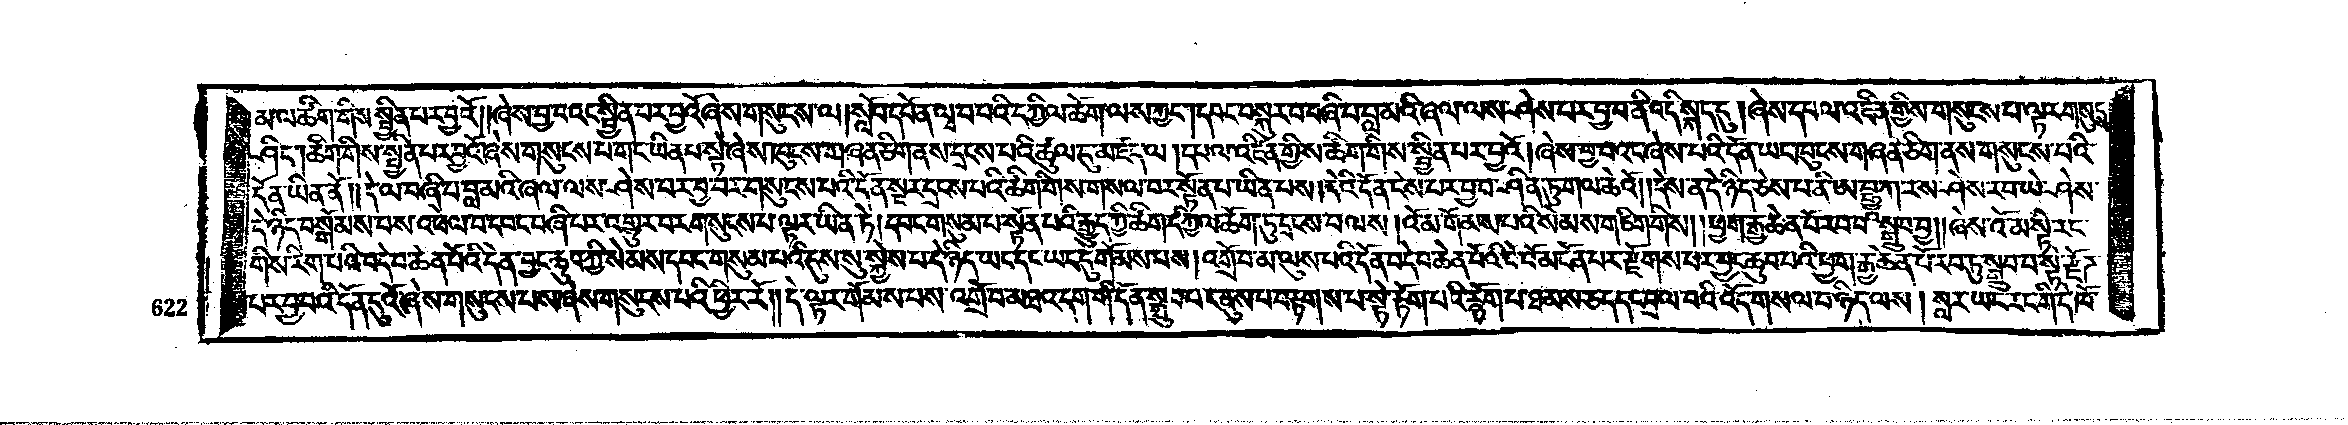མ་ལ་ཚིག་གིས་སྦྱིན་པར་བྱའོ། །ཞེས་བྱ་བའང་སྦྱིན་པར་བྱའོ་ཞེས་གསུངས་ལ། སློབ་དཔོན་ལྭ་བ་པའི་དཀྱིལ་ཆོག་ལས་ཀྱང་། དབང་བསྐུར་བ་བཞི་པ་བླ་མའི་ཞལ་ལས་ཤེས་པར་བྱ་བ་ནི་འདི་སྐད་དུ། ཞེས་དཔལ་འཛིན་གྱིས་གསུངས་པ་ལྟར་གསུངས་
ཤིང་། ཚིག་གིས་སྦྱིན་པར་བྱའོ་ཞེས་གསུངས་པ་གང་ཡིན་པ་སྟེ་ཞེས་ཁུངས་གཞན་ཅིག་ནས་དྲངས་པའི་ཚུལ་དུ་མཛད་ལ། དཔལ་འཛིན་གྱིས་ཚིག་གིས་སྦྱིན་པར་བྱའོ། ཞེས་བྱ་བའང་ཞེས་པའི་དོན་ཡང་ཁུངས་གཞན་ཅིག་ནས་གསུངས་པའི་
དོན་ཡིན་ནོ། །དེ་ལ་བཞི་པ་བླ་མའི་ཞལ་ལས་ཤེས་པར་བྱ་བར་གསུངས་པའི་དོན་སྔར་དྲངས་པའི་ཚིག་གིས་གསལ་བར་སྟོན་པ་ཡིན་པས། དེའི་དོན་ངེས་པར་བྱ་བ་ཤིན་ཏུ་གལ་ཆེའོ། །དེས་ན་དེ་ཉིད་ཅེས་པ་ནི་ཨ་བྷྱ་ཀ་རས་ཤེས་རབ་ཡེ་ཤེས་
དེ་ཉིད་བསྒོམས་པས་འཕེལ་བ་དབང་བཞི་པར་འགྱུར་བར་གསུངས་པ་ལྟར་ཡིན་ཏེ། དབང་གསུམ་པ་སྟོན་པའི་རྒྱུད་ཀྱི་ཚིག་དཀྱིལ་ཆོག་ཏུ་དྲངས་པ་ལས། འོ་མ་གོམས་པའི་སེམས་གཅིག་གིས། །ཕྱག་རྒྱ་ཆེན་པོ་རབ་བསྒྲུབ་བྱ། །ཞེས་འོ་མ་སྟེ་རང་
གིས་རིག་པའི་བདེ་བ་ཆེན་པོའི་དོན་བྱང་ཆུབ་ཀྱི་སེམས་དབང་གསུམ་པའི་དུས་སུ་སྐྱེས་པ་དེ་ཉིད་ཡང་དང་ཡང་དུ་གོམས་པས། འགྲོ་བ་མ་ལུས་པའི་དོན་བདེ་བ་ཆེན་པོའི་ངོ་བོ་མངོན་པར་རྫོགས་པར་བྱང་ཆུབ་པའི་ཕྱག་རྒྱ་ཆེན་པོ་རབ་ཏུ་སྒྲུབ་པ་སྟེ་རྫོགས་
པར་བྱ་བའི་དོན་དུའོ་ཞེས་གསུངས་པས་ཞེས་གསུངས་པའི་ཕྱིར་རོ། །དེ་ལྟར་གོམས་པས་འགྲོ་བ་མཐའ་དག་གི་དོན་སྒྲུབ་པར་ནུས་པ་བརྟགས་པ་སྟེ་རྟོག་པའི་རྙོག་པ་ཐམས་ཅད་དང་བྲལ་བའི་འོད་གསལ་བ་ཉིད་ལས། སླར་ཡང་རང་གི་དེ་ཁོ་